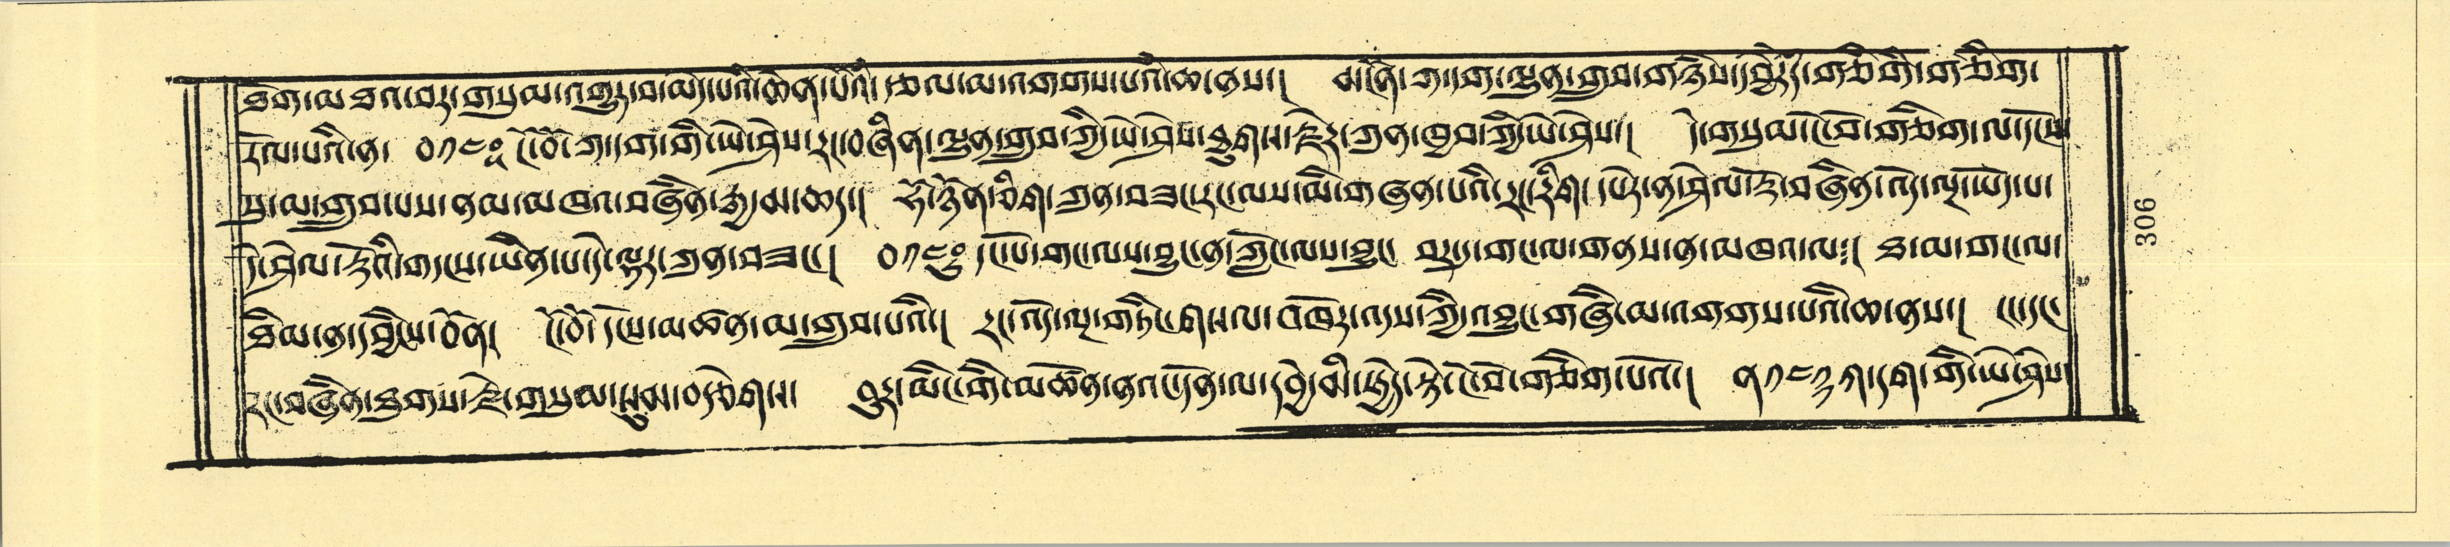ཐོག་མཐའ་བར་གསུམ་འགྱུར་བ་མེད་པའི་ཆེན་པོའི་རྩལ་མ་འགགས་པའི་ཆ་ནས། མངོན་ཀ་དག་ལྷུན་གྲུབ་གཉིས་དབྱེར་མེད་གཅིག་གི་གཅིག་
རོལ་པའི་ན་ བ༡༤༠།༥ ངོ་བོ་ཀ་དག་གི་ཡེ་ཤེས་རང་བཞིོན་ལྷུན་གྲུབ་ཀྱི་ཡེ་ཤེས་ཐུག་རྗེར་ཀུན་ཁྱབ་ཀྱི་ཡེ་ཤེས། དེ་གསུམ་ངོ་བོ་གཅིག་ལ་དངོས་
སུ་མ་གྲུབ་པས་ནམ་མཁའ་བཞིན་རྒྱ་མ་ཆད། ཧོ་ཉོན་ཅིག་ཀུན་བཟང་རང་ལས་མི་གཞན་པའི་རང་རིག་དཔེར་ན་ཤེལ་རྡོ་བཞིན་འོད་ལྔ་ཡོད་པ་
དེ་ཤེལ་རྡོའི་གདངས་ཡིན་པ་དེ་ལྟར་ཀུན་བཟང། བ༡༤༠།༦ དང་པོ་གང་ལས་བྱུང་ན་ཀློང་ལས་བྱུང། བར་དུ་གང་ལ་གནས་ན་མཁའ་ལ། ཐ་མ་གང་ལ་
ཐིམ་ན་དབྱིངས་བོན་ ངོ་བོ་དངོས་མཚན་མ་གྲུབ་པའི། རང་འོད་ལྔ་གཏིང་གསལ་འཁོར་འདས་ཀྱི་འབྱུང་གཞི་མ་འགགས་པའི་ཆ་ནས། ངང་དང་
རང་བཞིན་ཐུགས་རྗེ་གསུམ་སུམ་བརྩེགས་ བུར་མིང་གི་མཚོན་ནའང་དོན་ལ་དབྱེ་མི་ཕྱེད་སྟེ་ངོ་བོ་གཅིག་པའོ། ན༡༤༡།༡ ཀ་དག་གི་ཡེ་ཤེས་